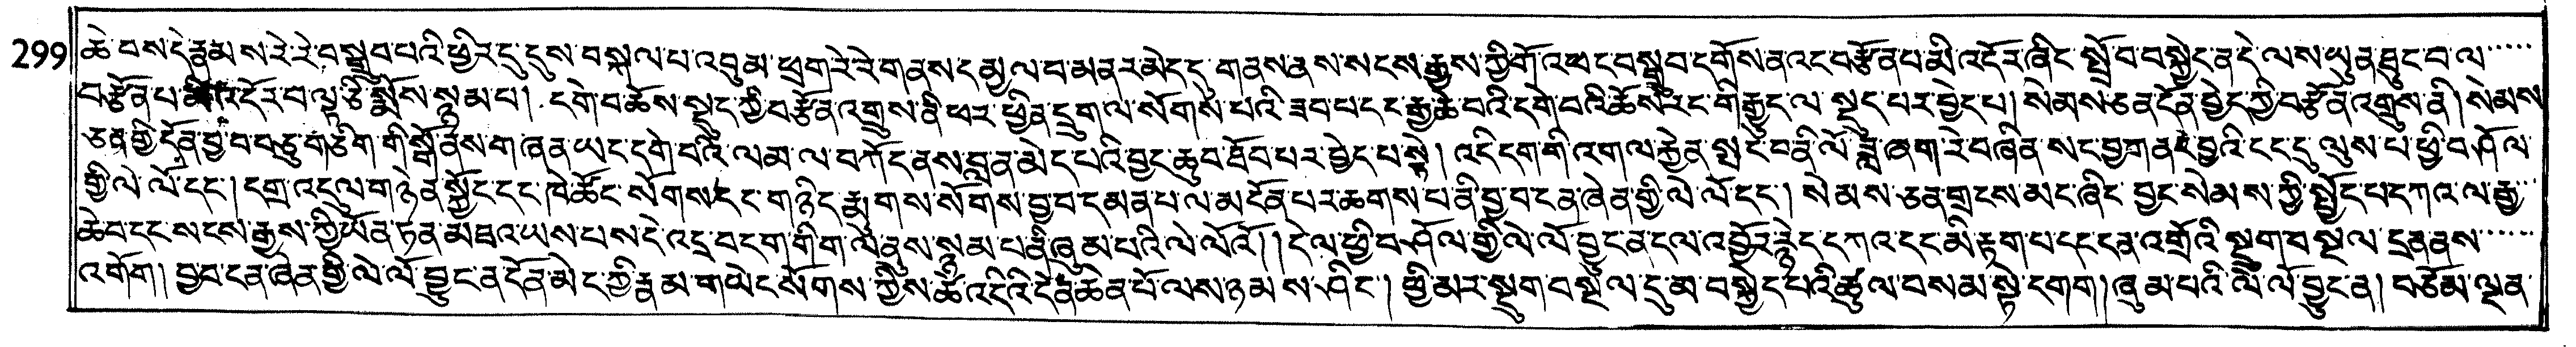ཆེ་བས་དེ་རྣམས་རེ་རེ་བསྒྲུབ་པའི་ཕྱིར་དུ་དུས་བསྐལ་པ་འབུམ་ཕྲག་རེ་རེ་གནས་དམྱལ་བ་མནར་མེད་དུ་གནས་ནས་སངས་རྒྱས་ཀྱི་གོ་འཕང་བསྒྲུབ་དགོས་ནའང་བརྩོན་པ་མི་འདོར་ཞིང་སྤྲོ་བ་བསྐྱེད་ན་དེ་ལས་ཡུན་ཐུང་བ་ལ་
བརྩོན་པ་མི་འདོར་བ་ལྟ་ཅི་སྨོས་སྙམ་པ། དགེ་བ་ཆོས་སྡུད་ཀྱི་བརྩོན་འགྲུས་ནི་ཕན་ཕྱིན་དྲུག་ལ་སོགས་པའི་ཟབ་པ་དང་རྒྱ་ཆེ་བའི་དགེ་བའི་ཆོས་རང་གི་རྒྱུད་ལ་སྡུད་པར་བྱེད་པ། སེམས་ཅན་དོན་བྱེད་ཀྱི་བརྩོན་འགྲུས་ནི། སེམས་
ཅན་གྱི་དོན་བྱ་བ་བཅུ་གཅིག་གི་སྒོ་ནས་གཞན་ཡང་དགེ་བའི་ལམ་ལ་བཀོད་ནས་བླ་ན་མེད་པའི་བྱང་ཆུབ་ཐོབ་པར་བྱེད་པ་སྟེ། འདི་དག་གི་འགལ་རྐྱེན་སྤང་བ་ནི་ལོ་ཟླ་ཞག་རེ་བཞིན་སང་བྱ་གནང་བྱའི་ངང་དུ་ལུས་པ་ཕྱི་བཤོལ་
གྱི་ལེ་ལོ་དང་། དགྲ་འདུལ་གཉེན་སྐྱོང་དང་ཁེ་ཚོང་སོགས་དང་གཉིད་རྨུགས་སོགས་བྱ་བ་དམན་པ་ལ་མངོན་པར་ཆགས་པ་ནི་བྱ་བ་ངན་ཞེན་གྱི་ལེ་ལོ་དང་། སེམས་ཅན་གྲངས་མང་ཞིང་བྱང་སེམས་ཀྱི་སྤྱོད་པ་དཀའ་ལ་རྒྱ་
ཆེ་བ་དང་སངས་རྒྱས་ཀྱི་ཡོན་ཏན་མཐའ་ཡས་པས་དེ་འདྲ་བདག་གི་ག་ལ་ནུས་སྙམ་པ་ནི་ཞུམ་པའི་ལེ་ལོའོ། །དེ་ལ་ཕྱི་བཤོལ་གྱི་ལེ་ལོ་བྱུང་ན་དལ་འབྱོར་རྙེད་དཀའ་དང་མི་རྟག་པ་དང་ངན་འགྲོའི་སྡུག་བསྔལ་དྲན་ནས་
འགོག །བྱ་བ་ངན་ཞེན་གྱི་ལེ་ལོ་བྱུང་ན་དོན་མེད་ཀྱི་རྣམ་གཡེང་སོགས་ཀྱིས་ཚེ་འདིའི་དོན་ཆེན་པོ་ལས་ཉམས་ཤིང་། ཕྱི་མར་སྡུག་བསྔལ་དུ་མ་བསྐྱེད་པའི་ཚུལ་བསམ་སྟེ་དགག །ཞུམ་པའི་ལེ་ལོ་བྱུང་ན། བཅོམ་ལྡན་